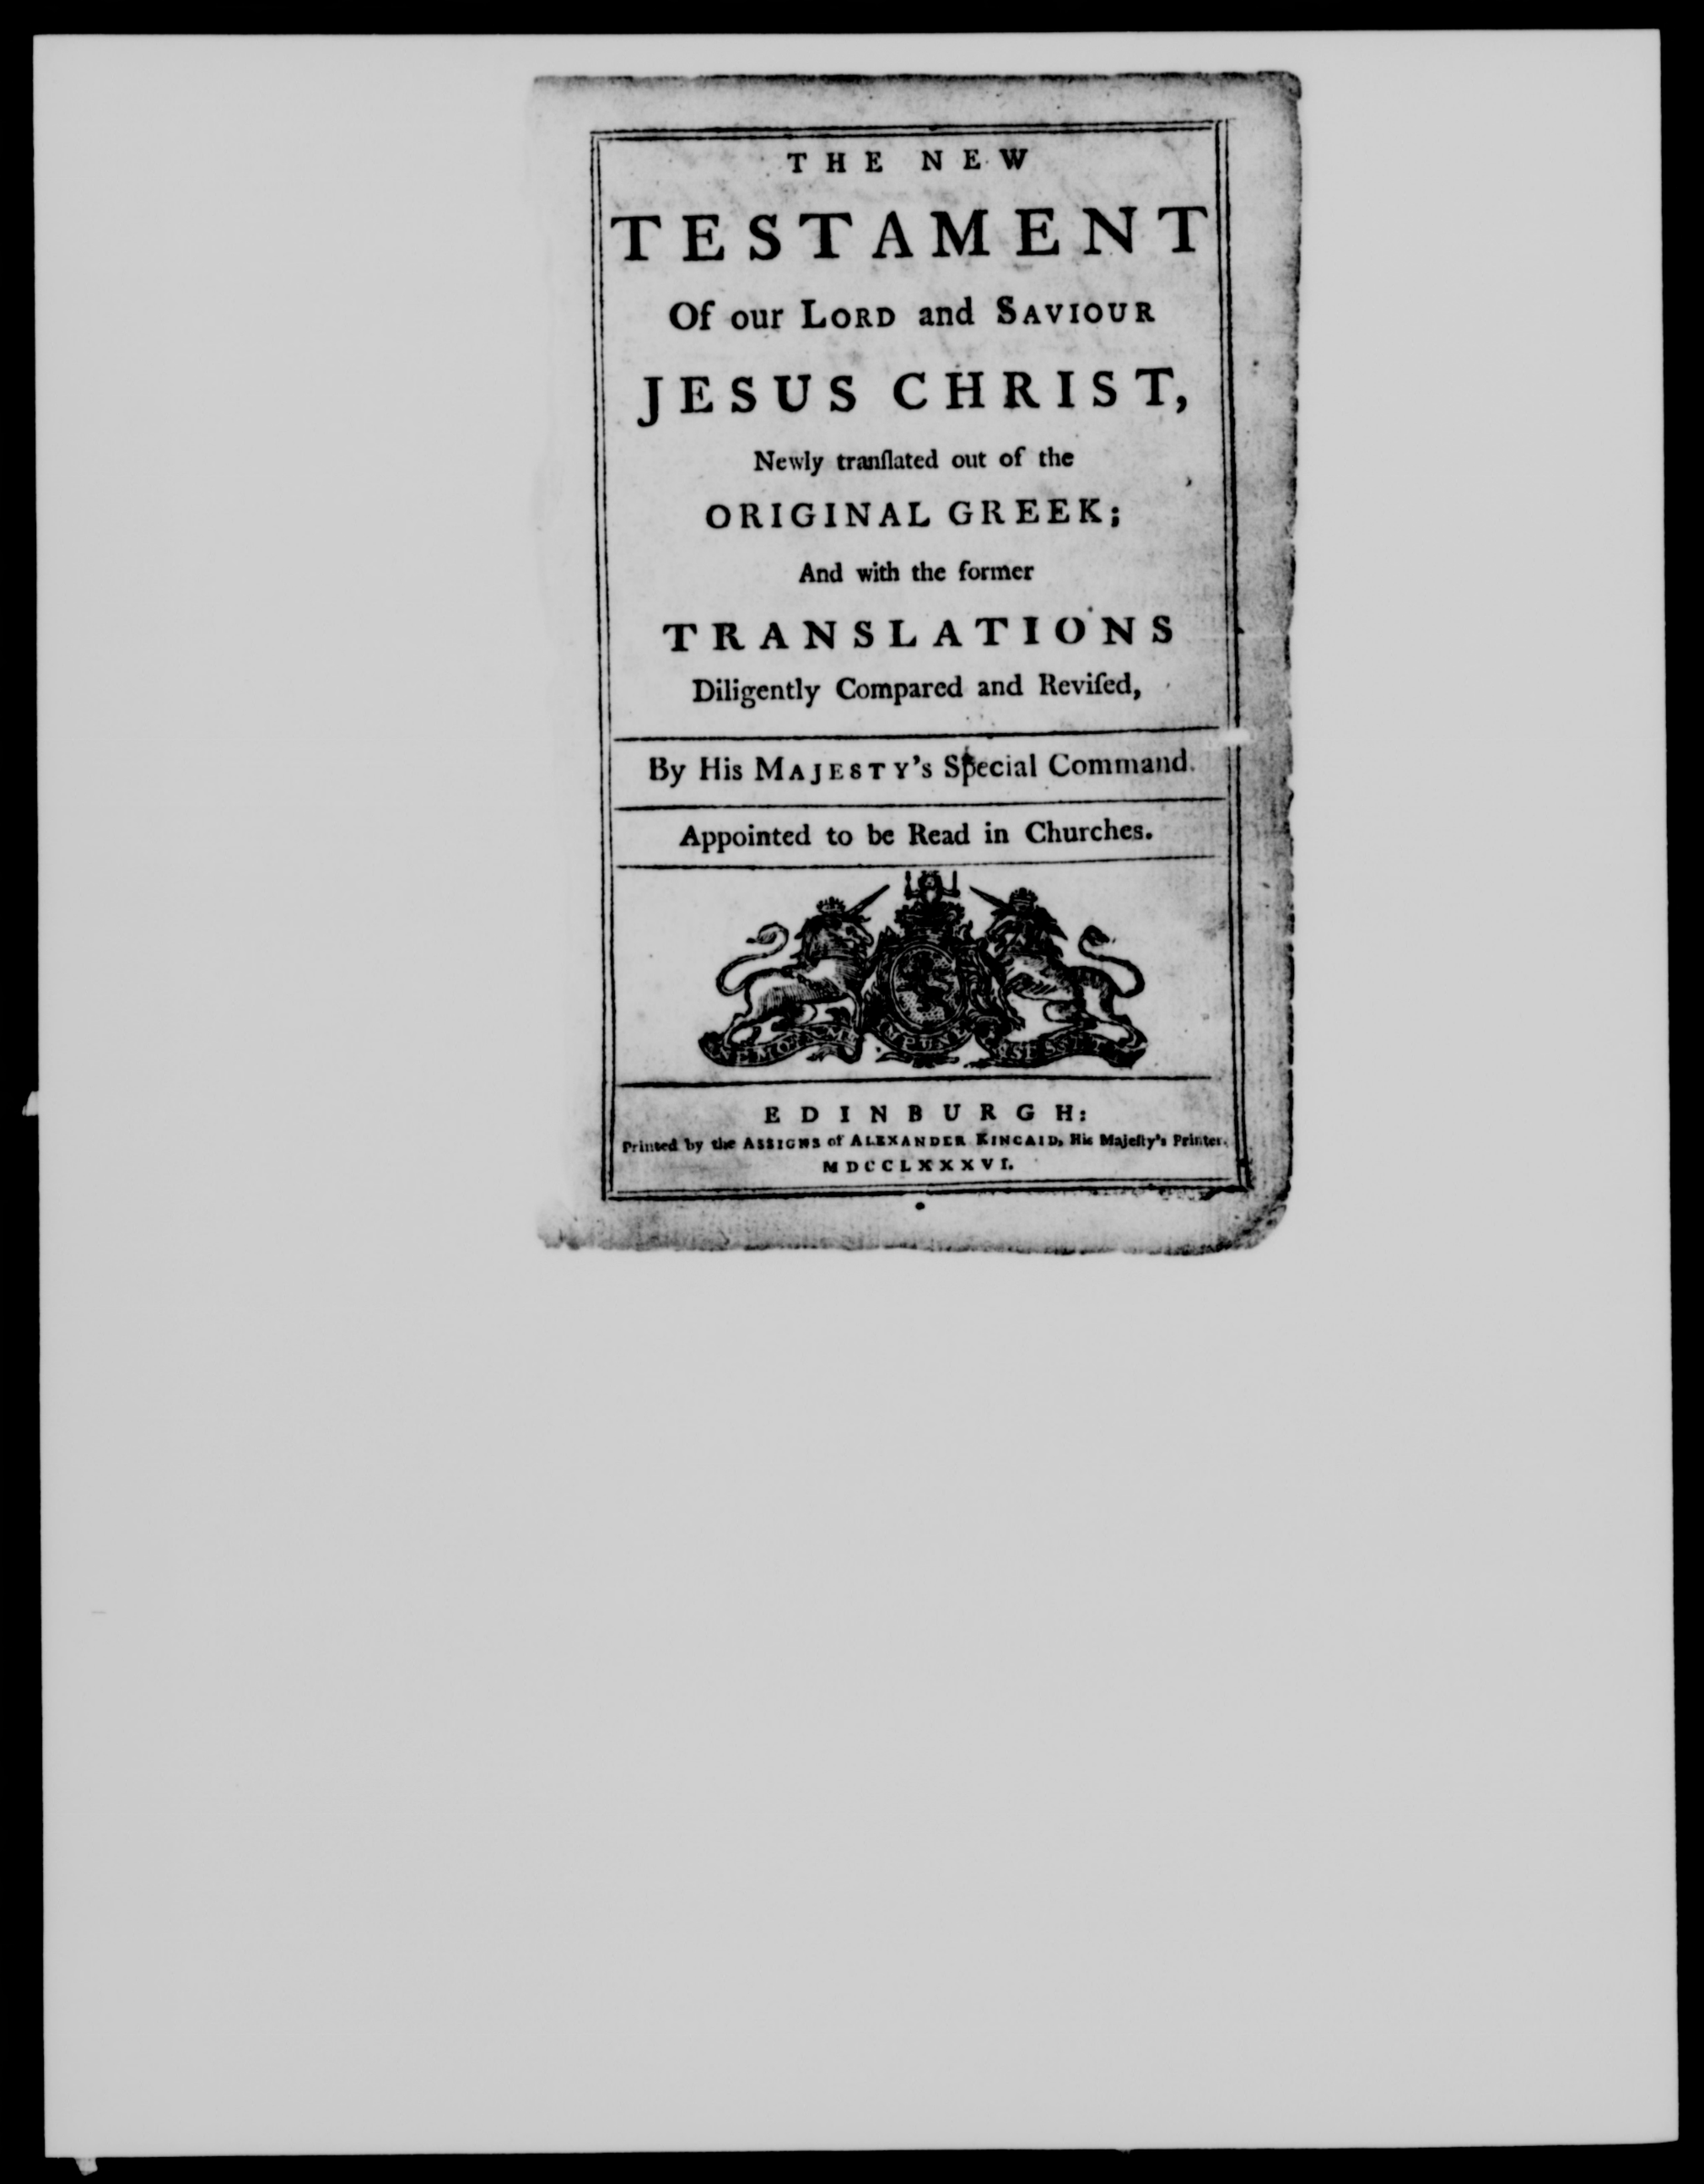The New Testament Of our Lord and Saviour Jesus Christ, Newly translated out of the Original Greek; And with the former Translations Diligently Compared and Revised, By His Majesty’s Special Command. Appointed to be Read in Churches.
Edinburgh: Printed by the Assigns of Alexander Kincaid, His Majesty’s Printer.
MDCCLXXXVI.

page: 15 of 46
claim: widow's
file: W. 18,417, James Willcox, Conn.